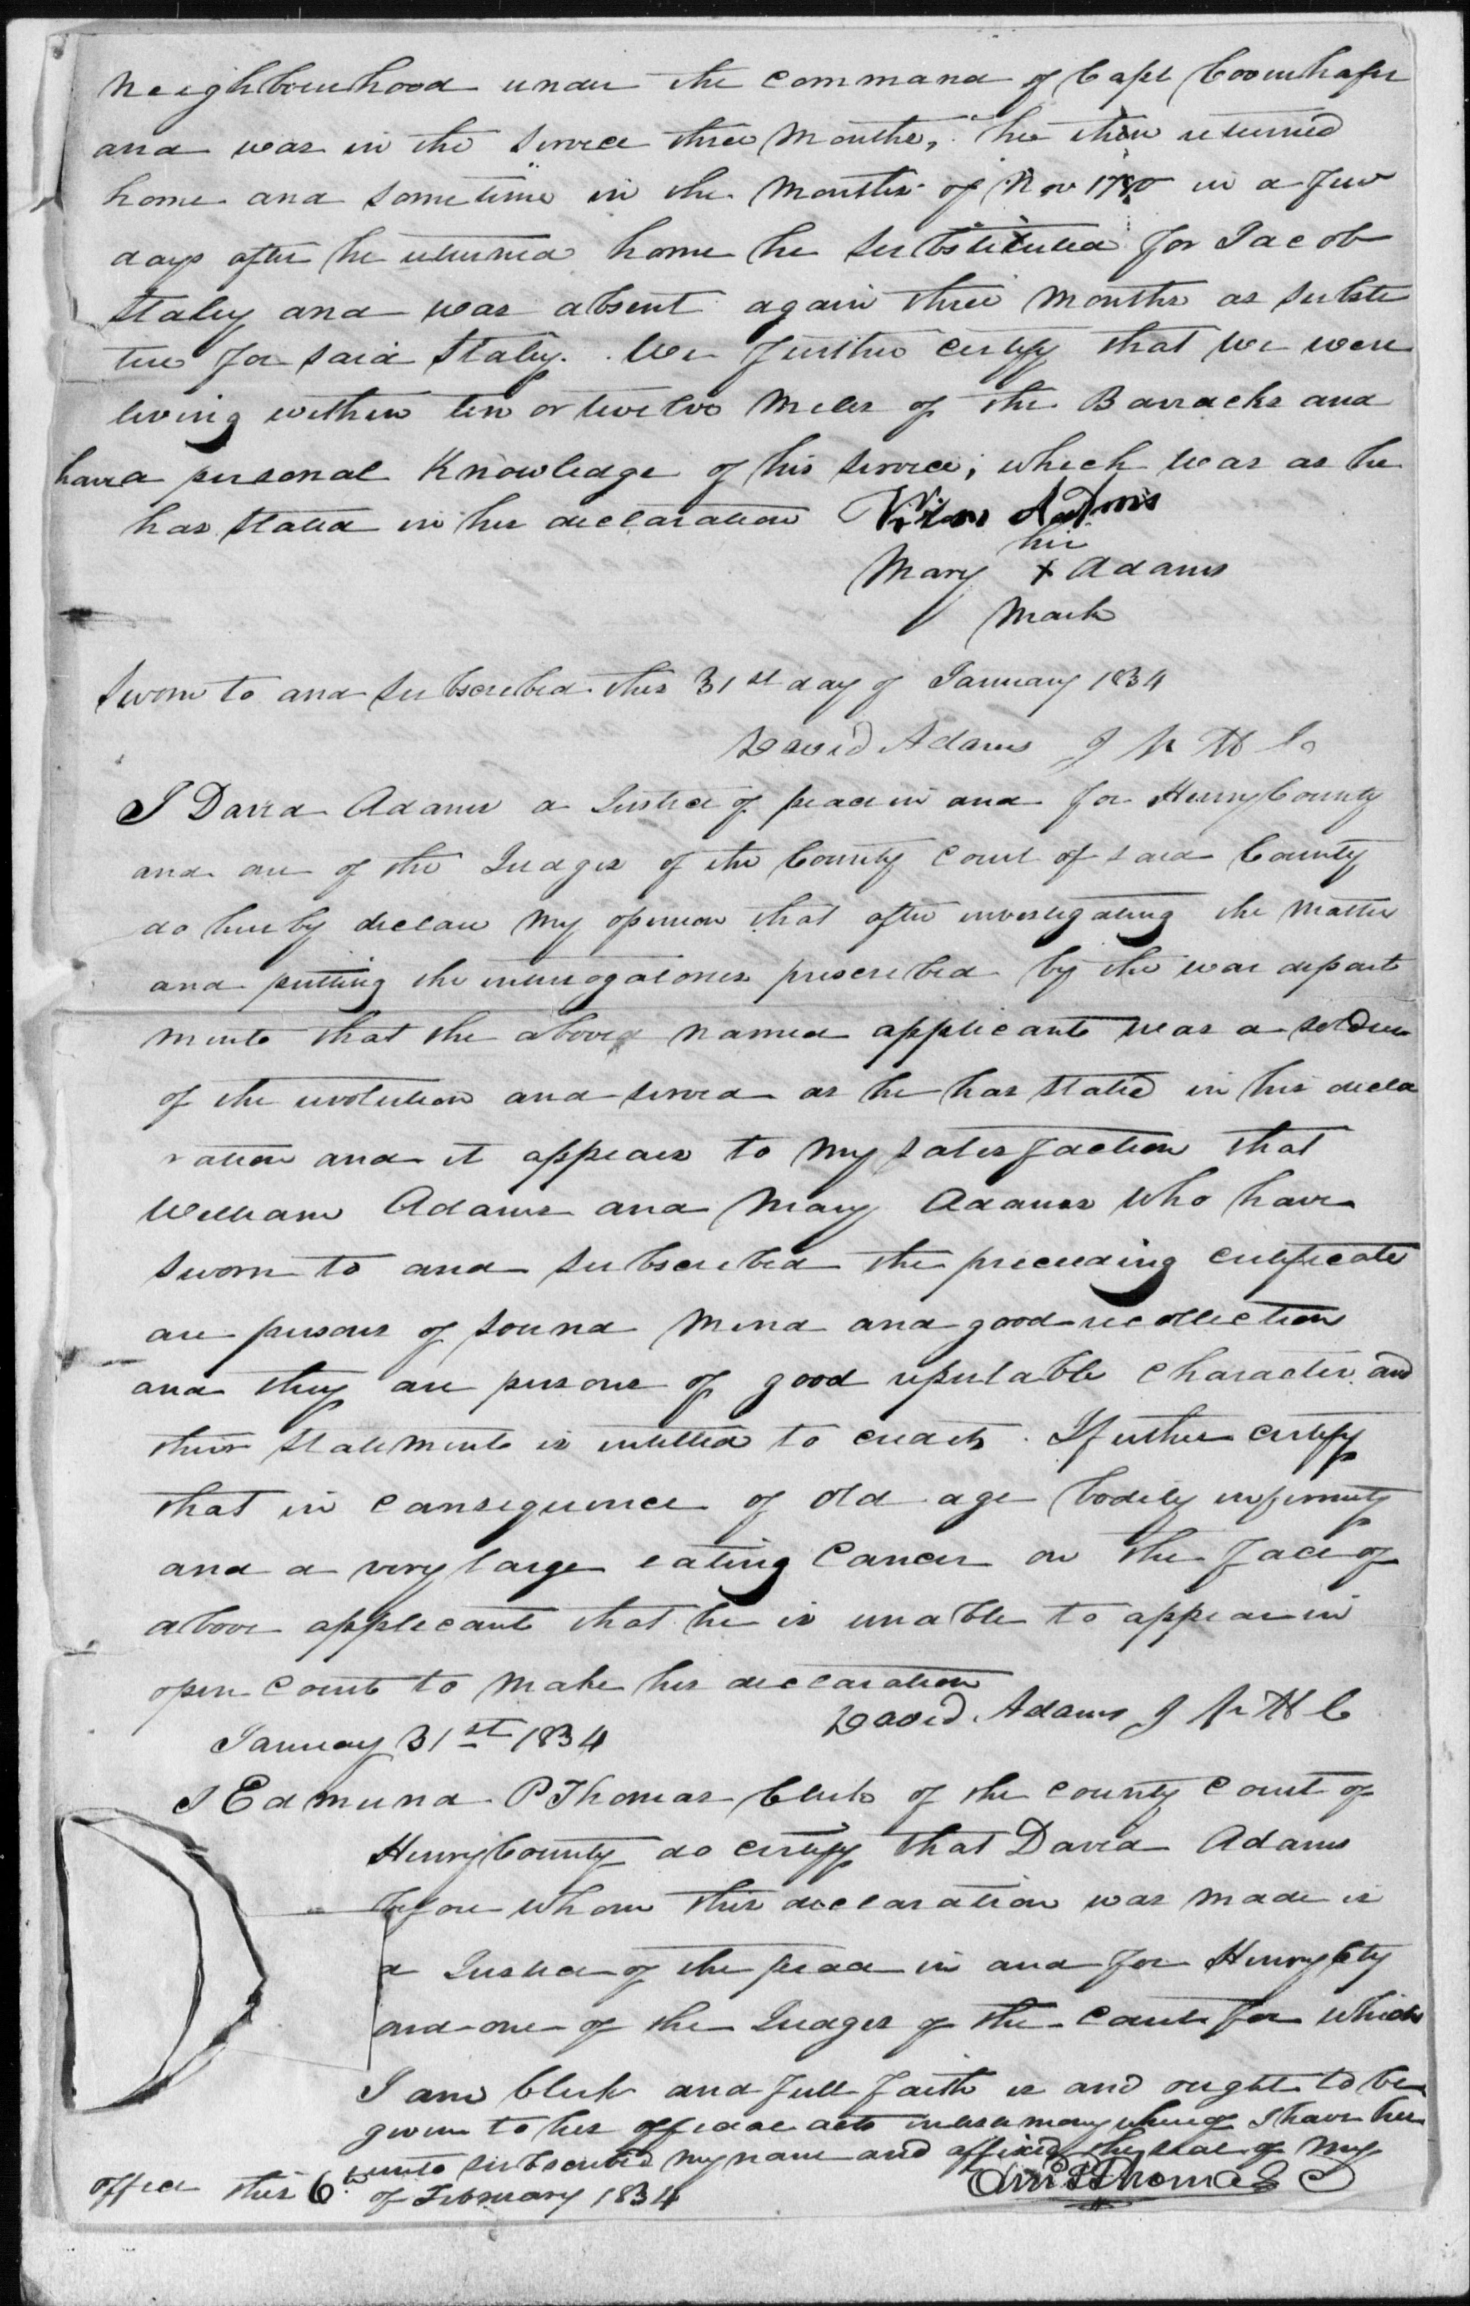[All Handwritten]

neighbourhood under the command of Capt Covenhafer and was in the service three months, he then returned home and sometime in the month of Nov 1790 in a few
days after he returned home he substituted for Jacob Staley and was absent again three months as substitute for said Staley. 

We further certify that we were
living within ten or twelve miles of the Barracks and have a personal knowledge of his service, which was as he has stated in his declaration 

William Adams Mary Adams his x mark

Sworn to and subscribed this 31st day of January 1834

David Adams [illegible] Sr

I David Adams a Justice of peace in and for Henry County and one of the Judges of the County Court of said County do hereby declare my opinion that after investigating the matter
and putting the interrogatories prescribed by the war department that the above named applicant was a soldier of the revolution and served as he has stated in his declaration and it appears to my satisfaction that William Adams and Mary Adams who have sworn to and subscribed the preceeding [sic] certificate
are persons of sound mind and good recollection and they are persons of good reputable character and their statement is entitled to credit. I further certify
that in consequence of old age bodily infirmity
and a very large eating Cancer on the face of
above applicant that he is unable to appear in
open Court to make his declaration

January 31st 1834
David Adams [illegible] Sr

I Edmund P Thomas Clerk of the County Court of Henry County do certify that David Adams
before whom this declaration was made is a
Justice of the peace in and for Henry Cty
and one of the Judges of the Court for which
I am Clerk and full faith is and ought to be
given to his official acts in testimony whereof I have hereunto subscribed my name and affixed the seal of my office this 6th of February 1834.

Edmund P. Thomas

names: Covenhafer, David Adams, Wilm Adams, Jacob Staley, Mary Adams, Emd P Thomas, David Adams, Mary Adams, Edmund P Thomas, William Adams, David Adams, David Adams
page: 6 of 13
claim: survivor's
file: S 30,815, David Adams, Penn.